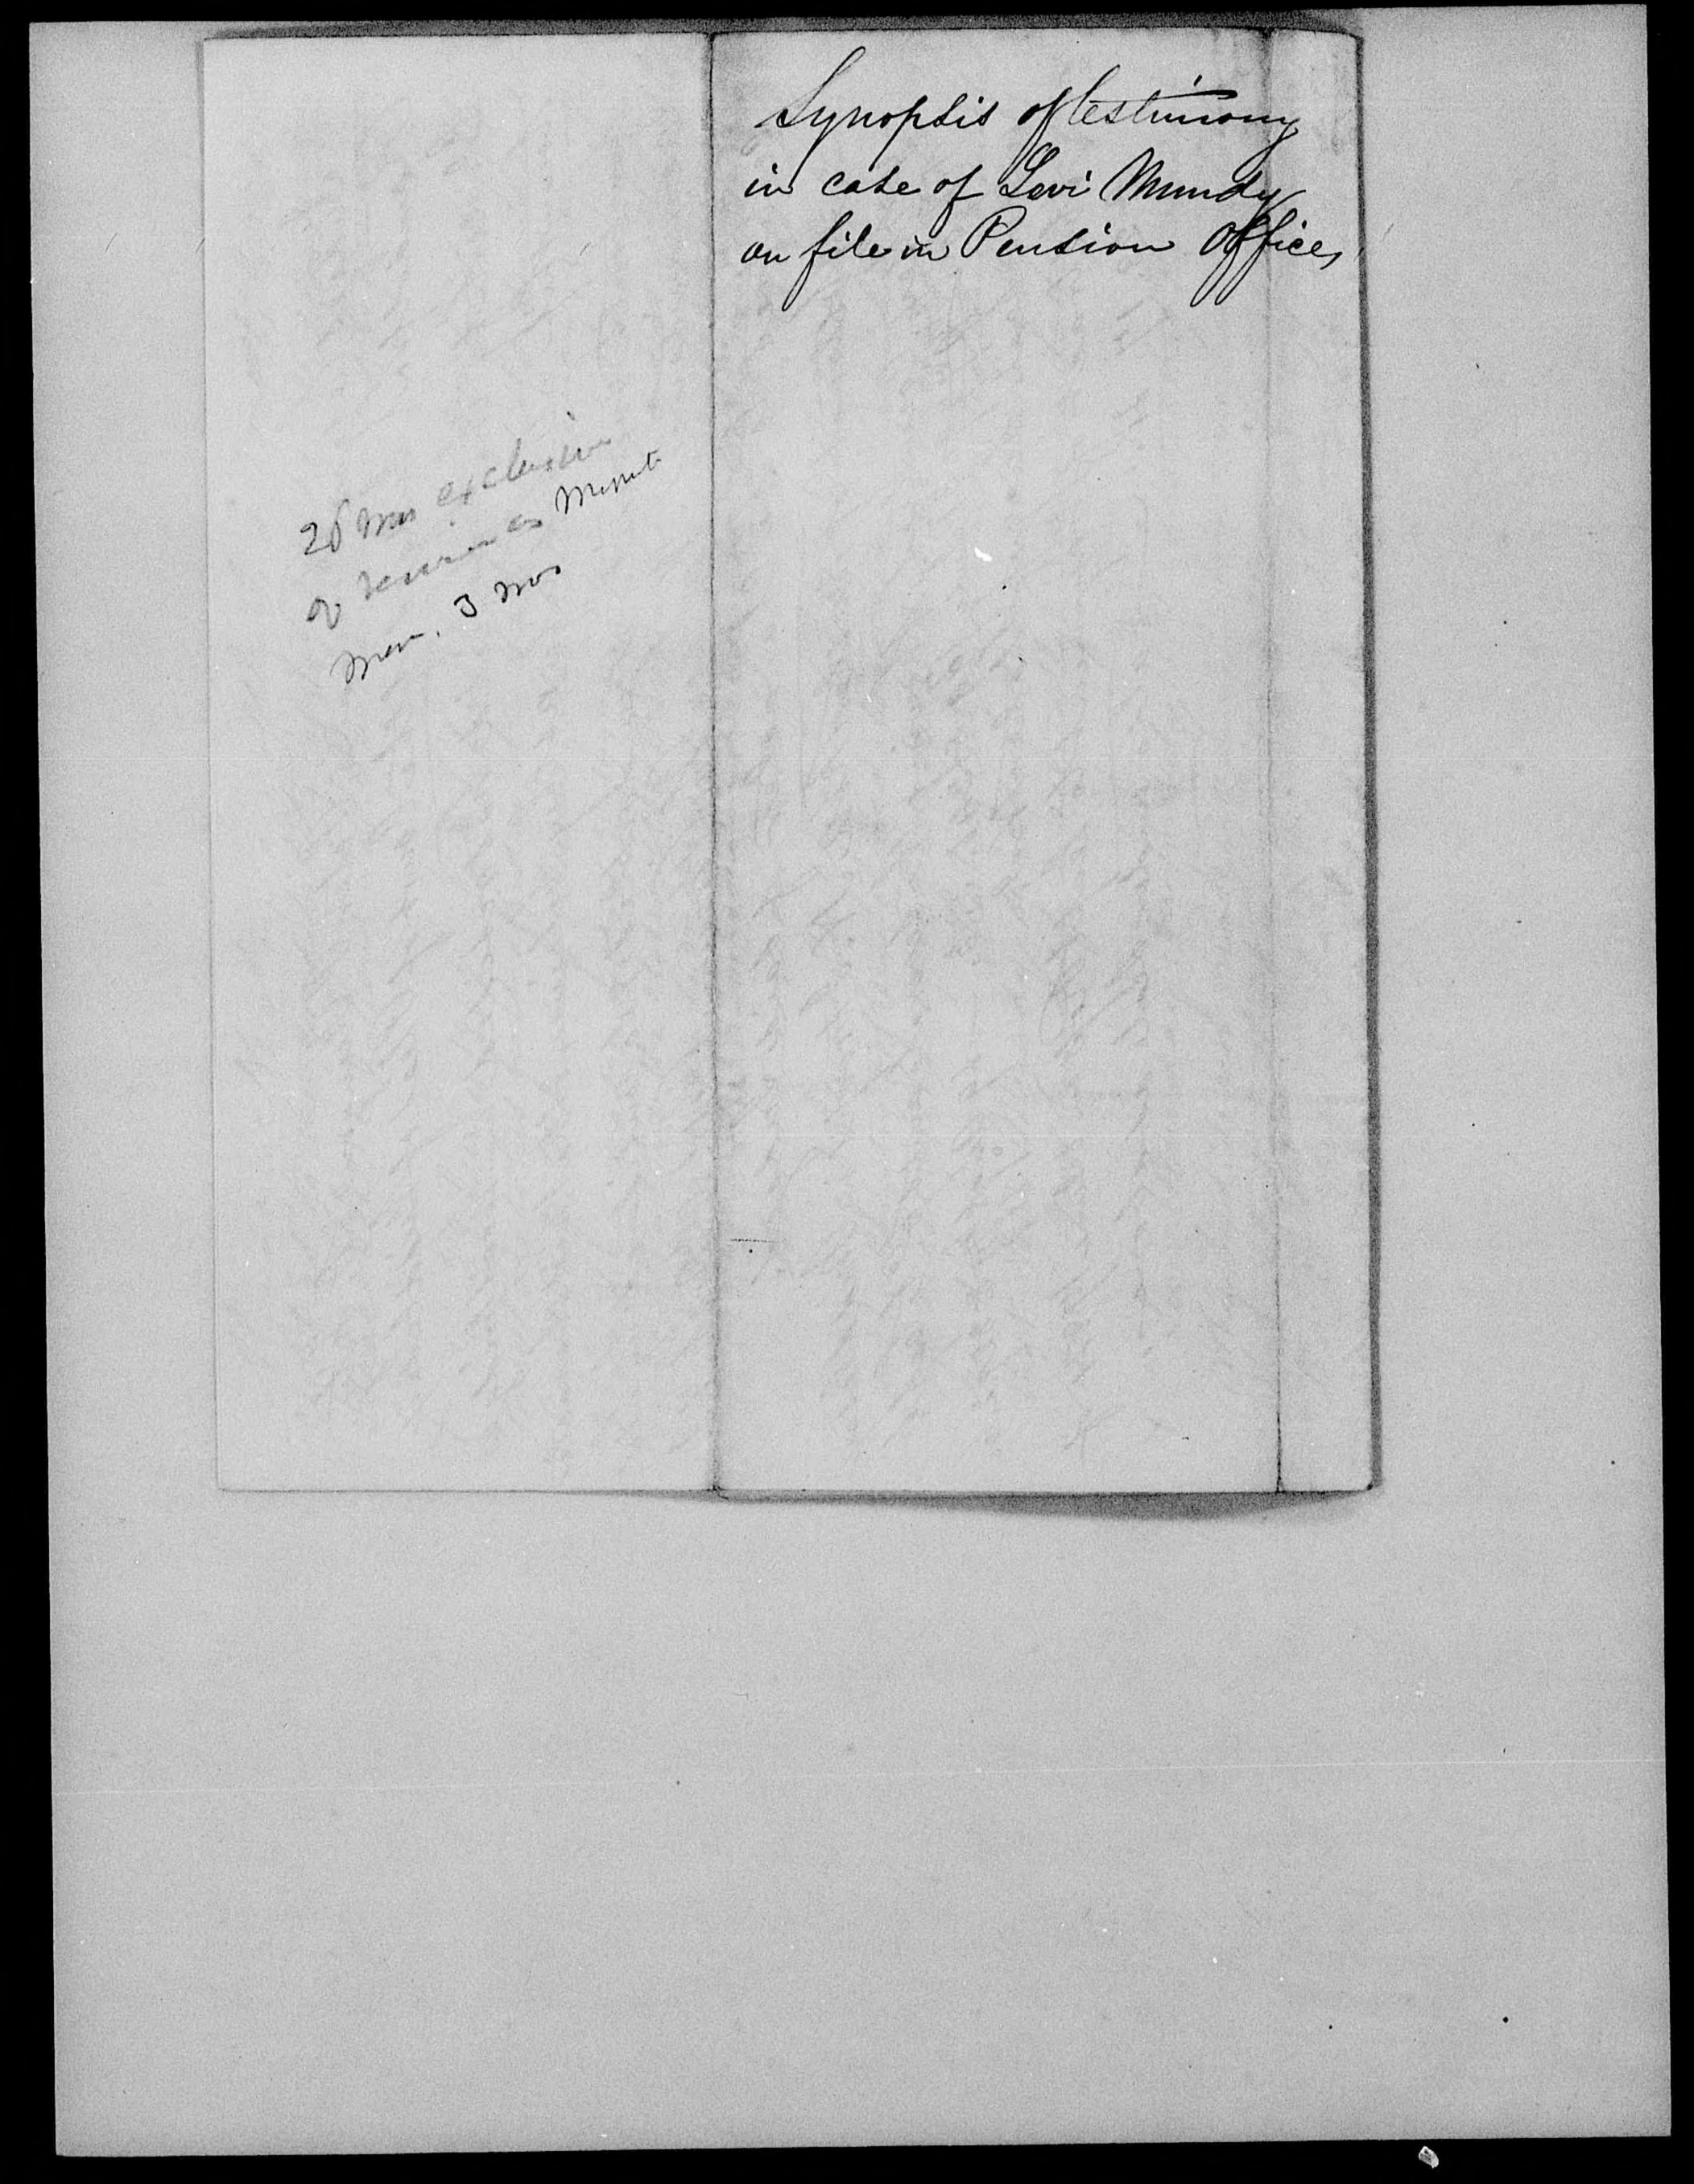26 mos. exclusive of services as Minuteman, 3 mos.

Synopsis of testimony in case of Levi Mundy on file in Pension Office.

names: Levi Mundy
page: 82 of 95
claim: survivor's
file: S 2889, for Levi Mundy, New Jersey